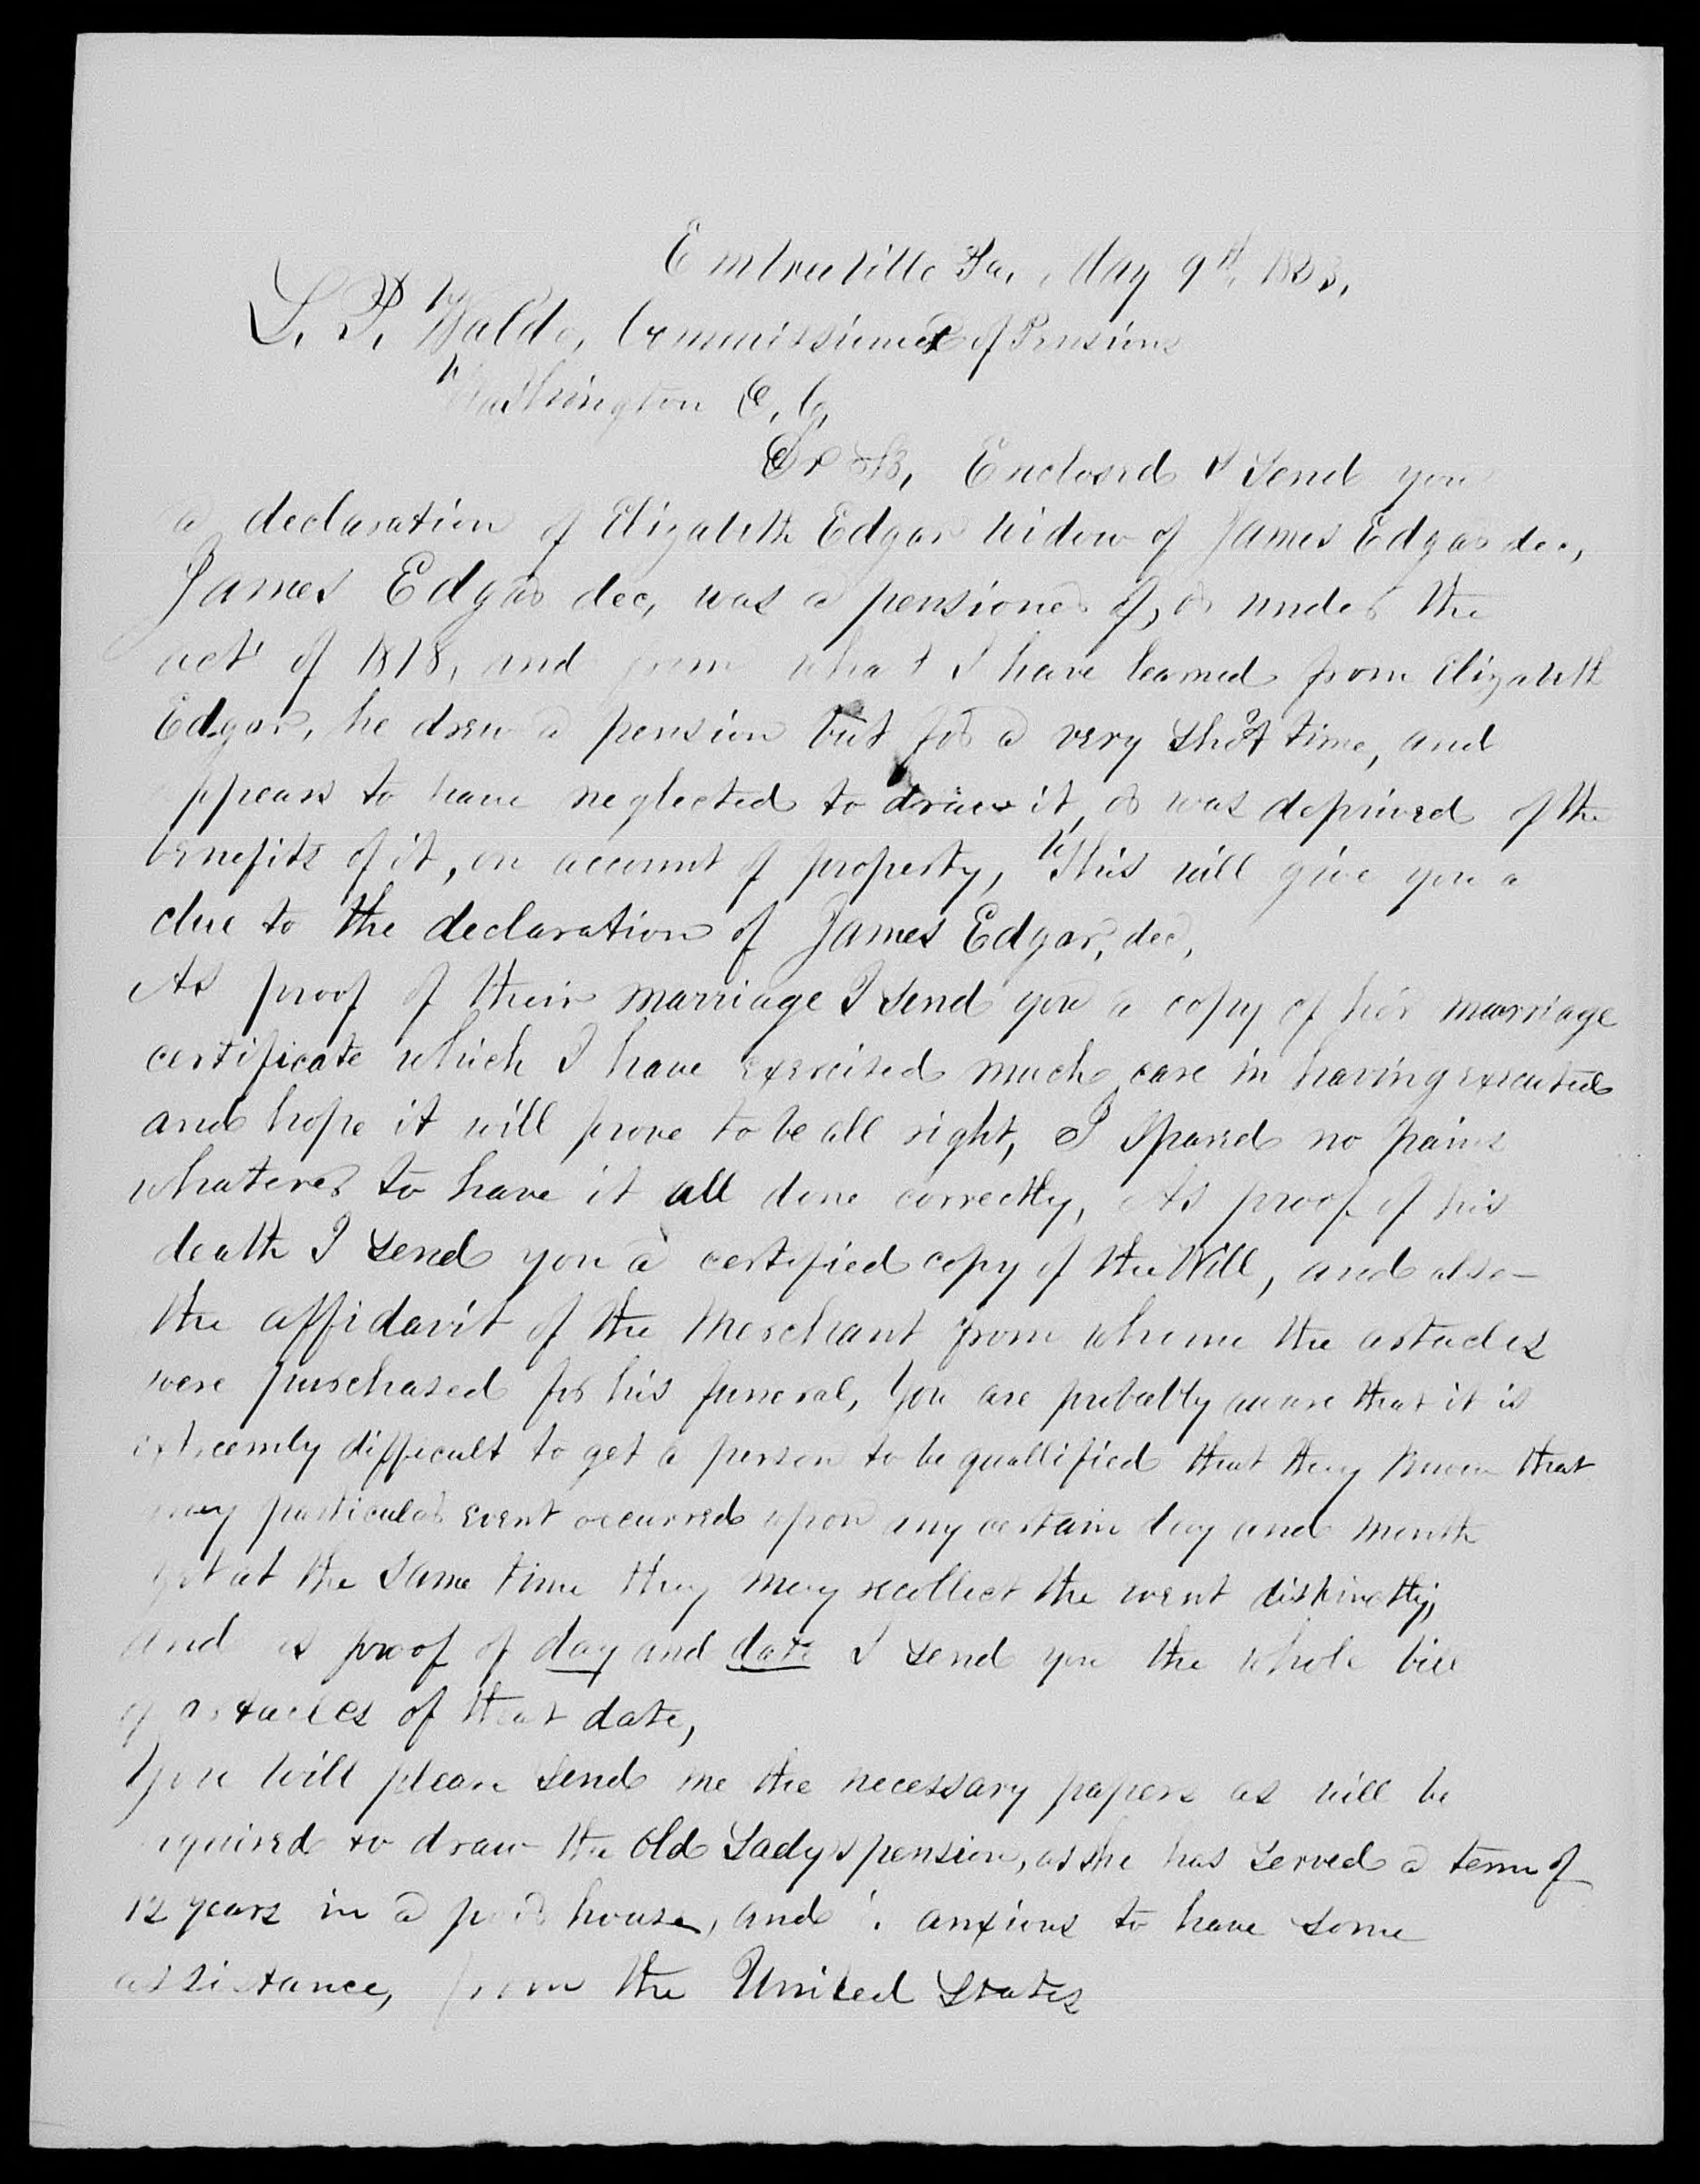Embreeville Pa, May 9th 1823
L.P. Waldo Commissioner of Pensions
to
Washington DC
,(illegible) Enclosed & send you
of declaration of Elizabeth Edgar widow of James Edgar. dec.
James Edgar dec, was a pensioned of or under the
act of 1818, and from what I have learned from Elizabeth
Edger, he drew a pension but for a very short time and
appears to have neglected to draw it, so was deprived of the
benefits of it, on account of property, This will give you a
clue to the declaration of
James Edgar, dec,
As proof of their marriage I send you a copy of his marriage
certificate which I have exercised much care in having executed
and hope it will prove to be all right, I spared no pains
whatever to have it all done correctly. As proof of his
death I send you a certified copy of the Will, and also
the affidavit of the Merchant from whom the articles
were purchased for his funeral, you are probably aware that it is
extremely difficult to get a person to be qualified that they own that
my particular event occurred upon any certain day and month
it at the same time they may recollect the went distinctly
and is proof of day and date I send you the whole bill
of articles of that date,
You will please send me the necessary papers as will be
required to draw the old Lady's pension, as she has served a term of
12 years in a poor house, and anxious to have some
assistance, from the United States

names: Elizabeth Edgar, James Edgar, Elizabeth Edgar, L P Waldo, James Edgar, James Edgar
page: 52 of 74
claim: widow's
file: W. 9422, James Edgar, Penn.